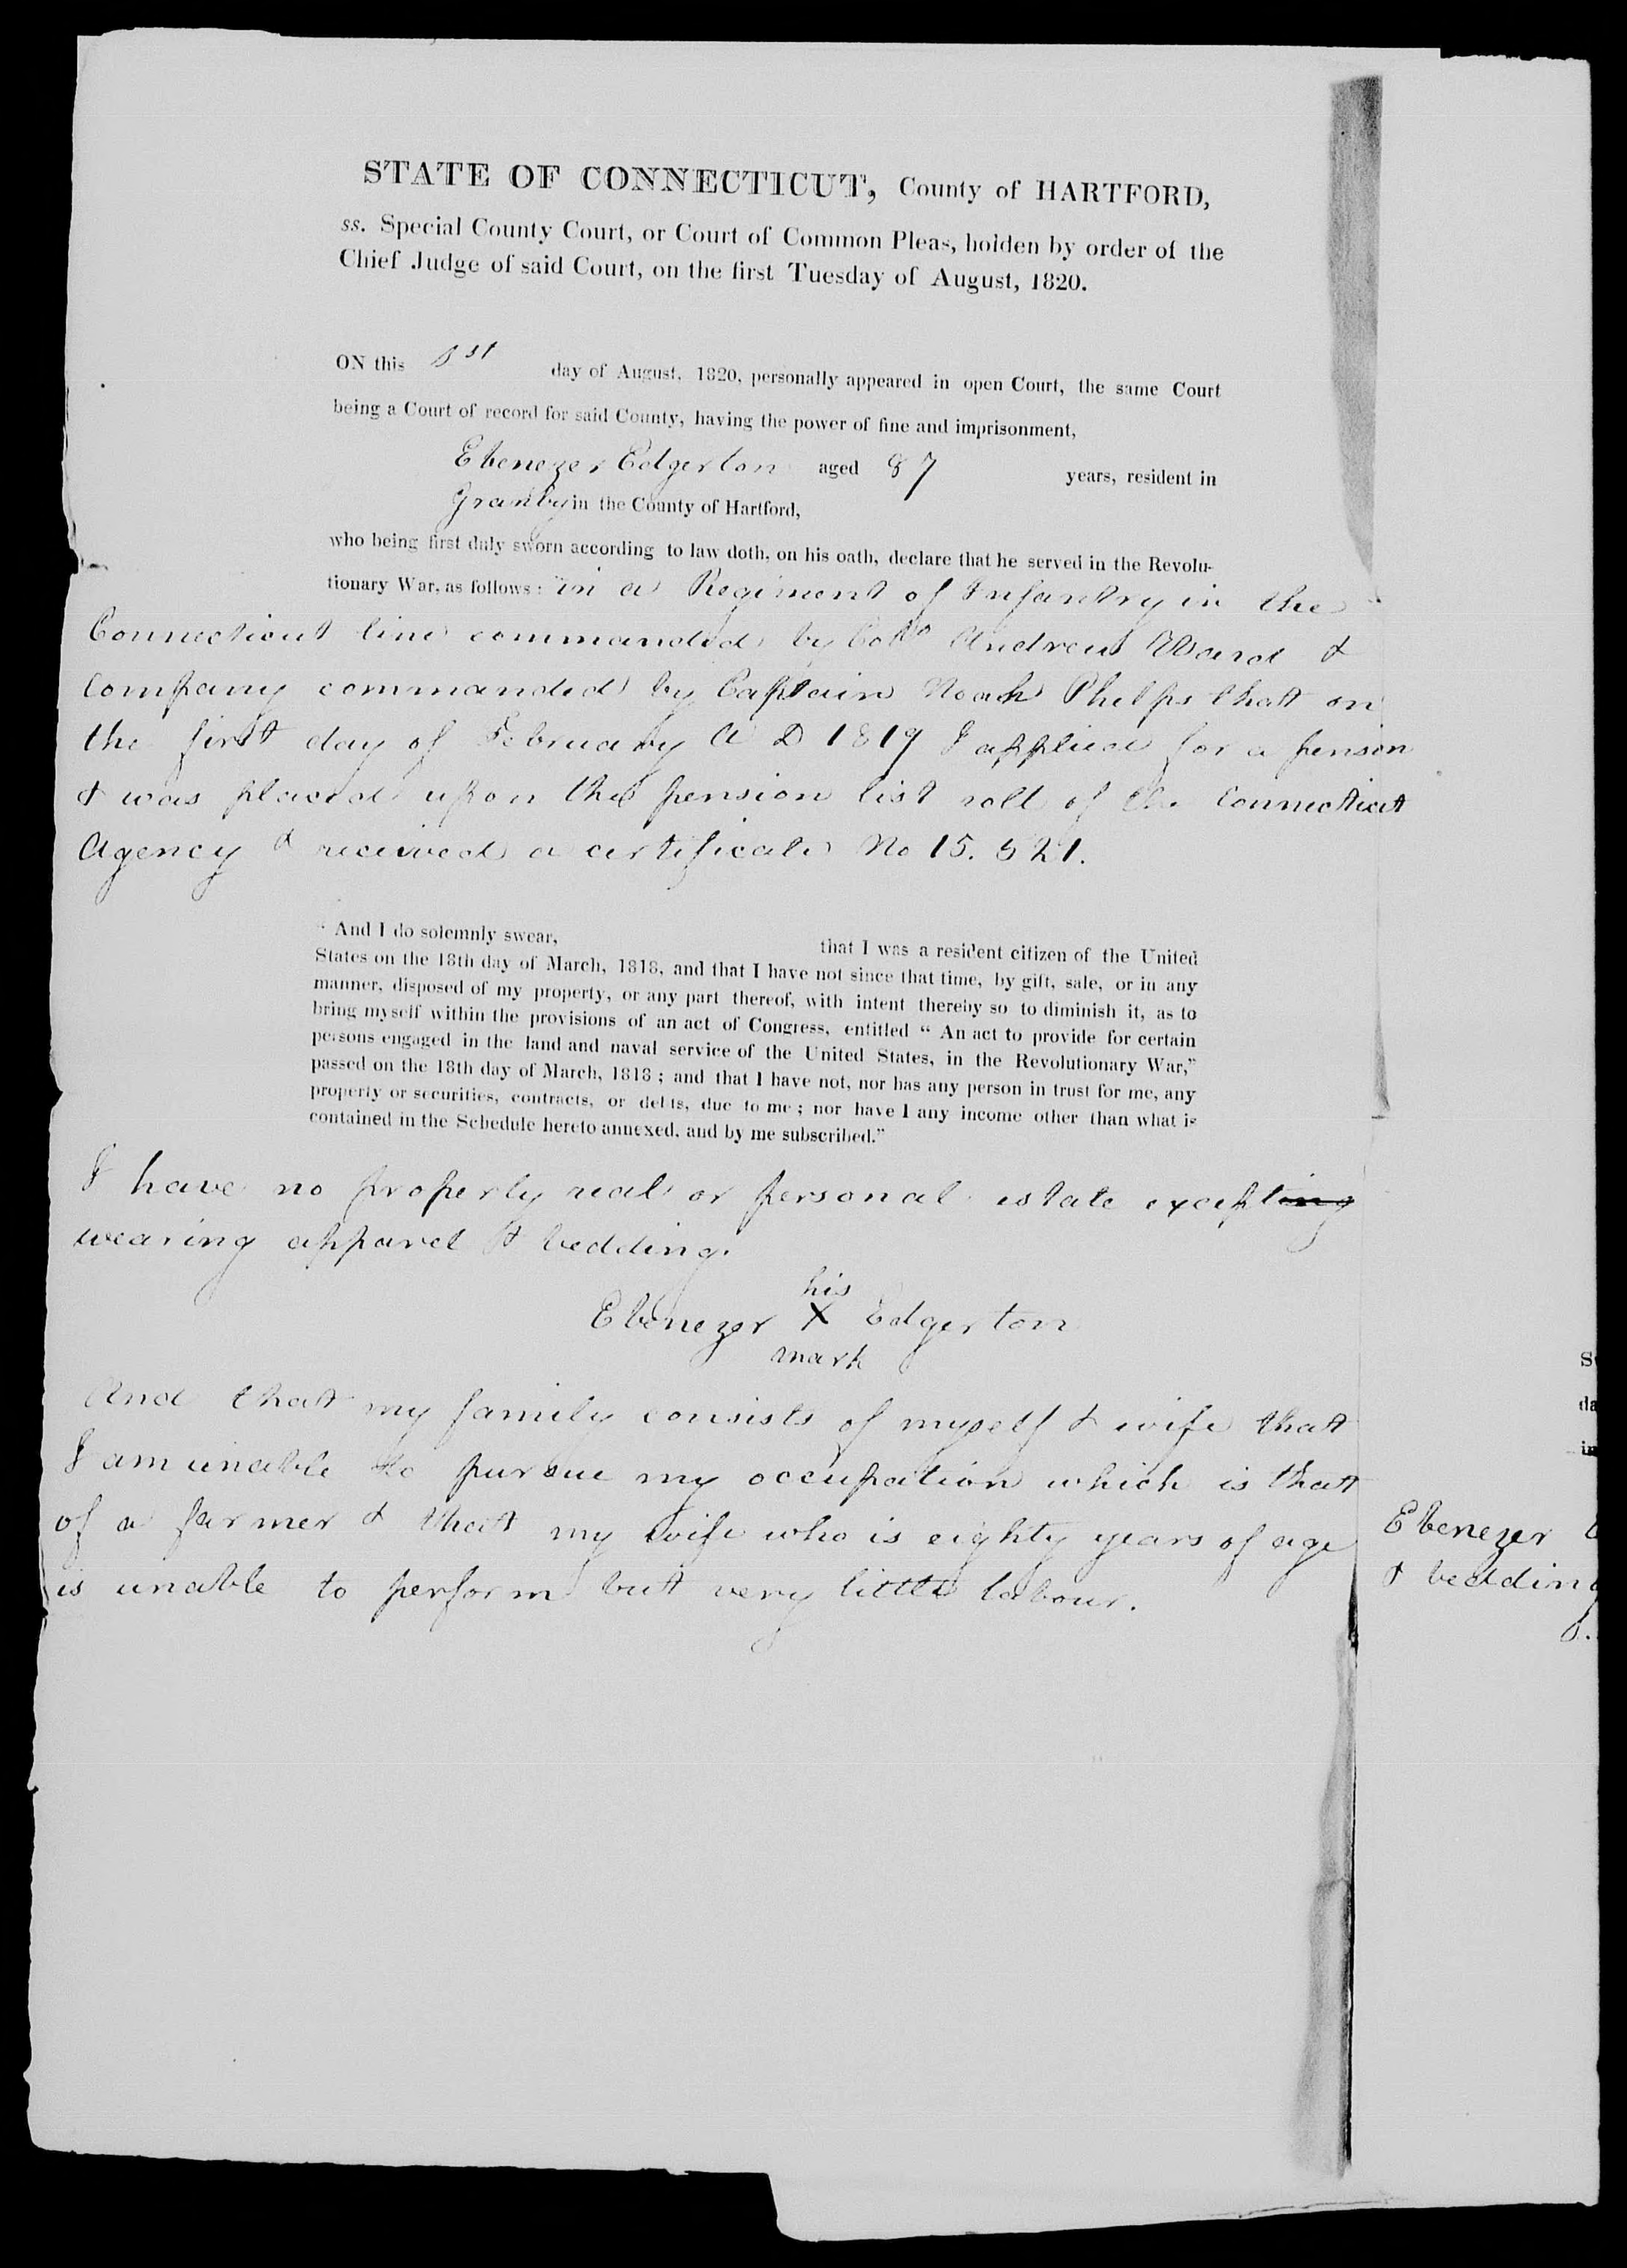STATE OF CONNECTICUT, County of HARTFORD,

ss, Special County Court, or Court of Common Pleas, holden by order of the Chief Judge of said Court, on the first Tuesday of August, 1820.

ON this 1st day of August, 1820, personally appeared in open Court, the same Court being a Court of record for said County, having the power of fine and imprisonment,
Ebenezer Edgerton aged 87 years, resident in Granby in the County of Hartford,
who being first duly sworn according to law doth, on his oath, declare that he served in the Revolutionary War, as follows: in a Regiment of Infantry in the Connecticut line commanded by Col Andrew Ward & Company commanded by Captain Noah Phelps that on the first day of February A D 1819 I applied for a pension & was placed upon the pension list roll of the Connecticut Agency & received a certificate No 15,521.

And I do solemnly swear, that I was a resident citizen of the United States on the 18th day of March, 1818, and that I have not since that time, by gift, sale, or in any manner, disposed of my property, or any part thereof, with intent thereby so to diminish it, as to bring myself within the provisions of an act  of Congress, entitled "An act to provide for certain persons engaged in the land and naval service of the United States, in the Revolutionary War," passed on the 18th day of March, 1818; and that I have not, nor has any person in trust for me, any property or securities, contracts, or debts, due to me; nor have I any income other than what is contained in the Schedule hereto annexed, and by me subscribed."

I have no property real or personal estate excepting wearing apparel & bedding.

his
X
mark

Ebenezer Edgerton

And that my family consists of myself & wife that I am unable to pursue my occupation which is that of a farmer & that my wife who is eighty years of age is unable to perform but very little labour.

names: Noah Phelps, Andrew Ward, Ebenezer, Ebenezer Edgerton, Ebenezer Edgerton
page: 7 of 18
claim: survivor's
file: S. 37,904, Ebenezer Edgerton, [BLANK]